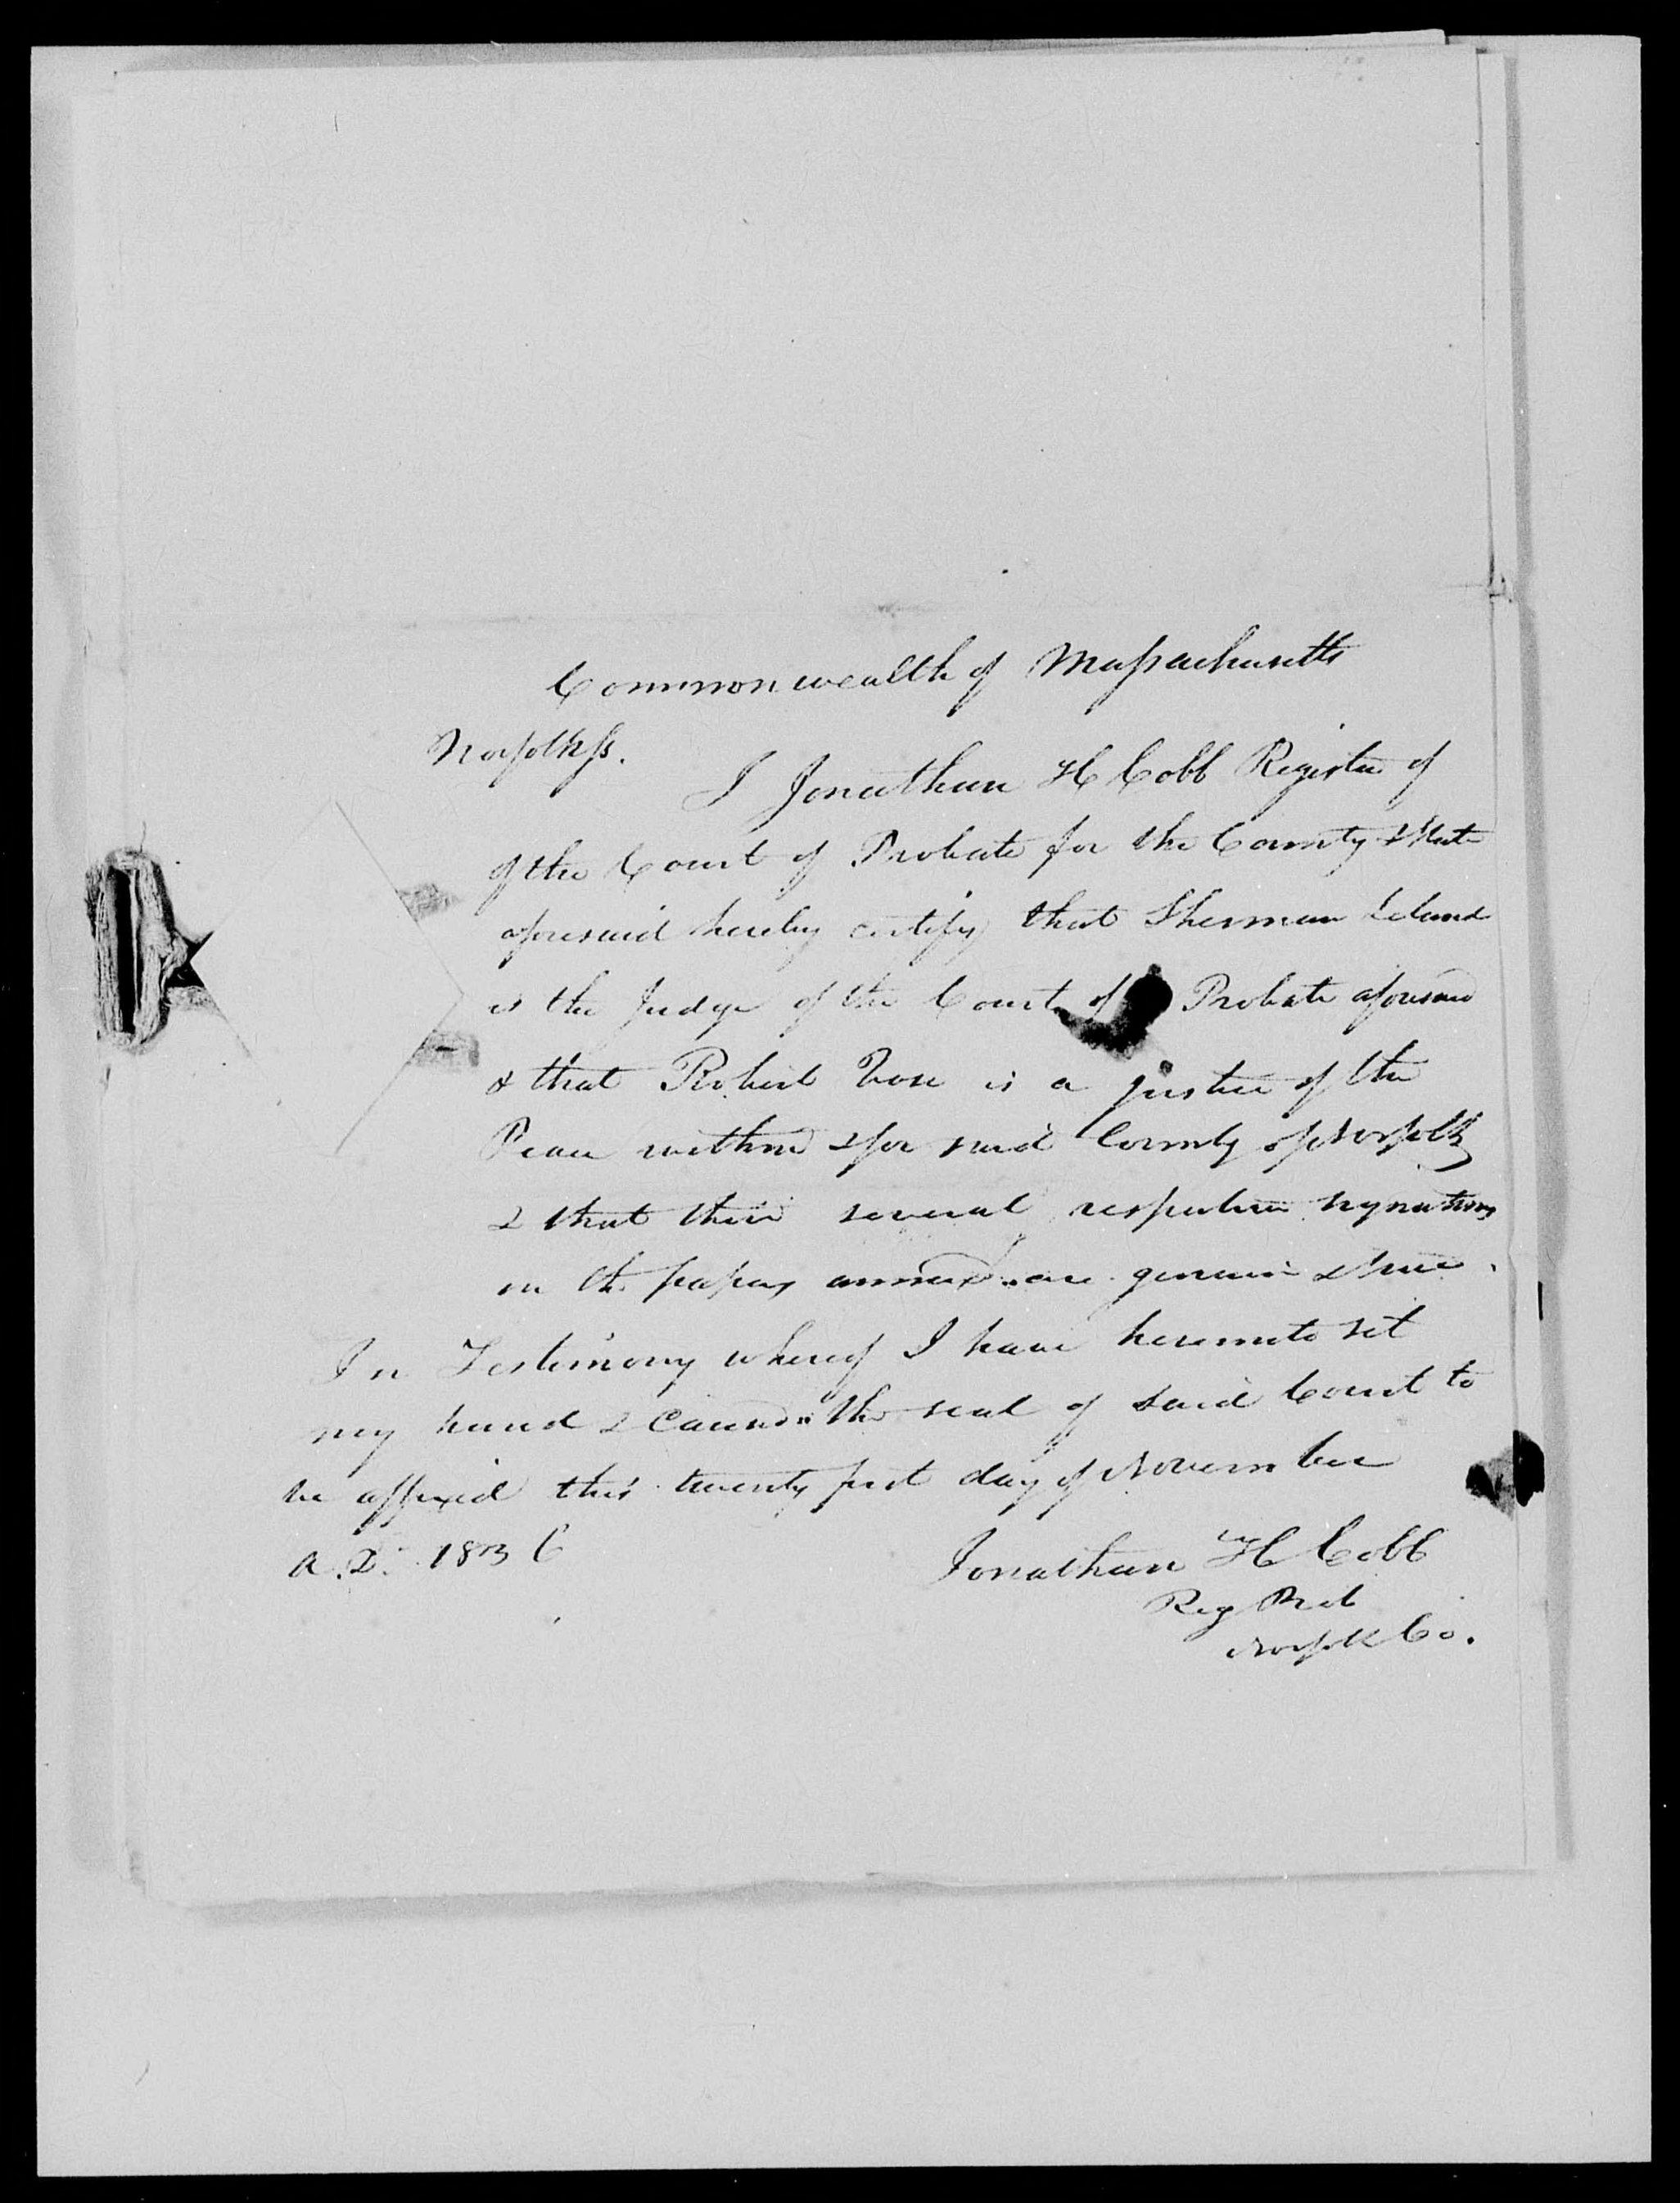Commonwealth of Massachusetts
Norfolk TS
I Jonathan H Cobb registrar of the 
Court of Probate for the County that aforesaid hereby certify that Sherman Leland is the judge of the court of Probate aforesaid & that Robert Vose is a Justice of the Peace within aforesaid County of Norfolk & that their several 
several respective signatures in the papers annexed are genuine & true.
In Testimony whereof I have hereunto set
my hand & caused the seal of said Court to
be affixed this twenty first day of November
A.D. 1836
Jonathan H Cobb
Reg [illegible]
Norfolk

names: Sherman Leland; Jonathan H Cobb; Robert Vose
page: 6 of 33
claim: widow's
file: W. 21,567, for Nathan Leeds, Massachusetts